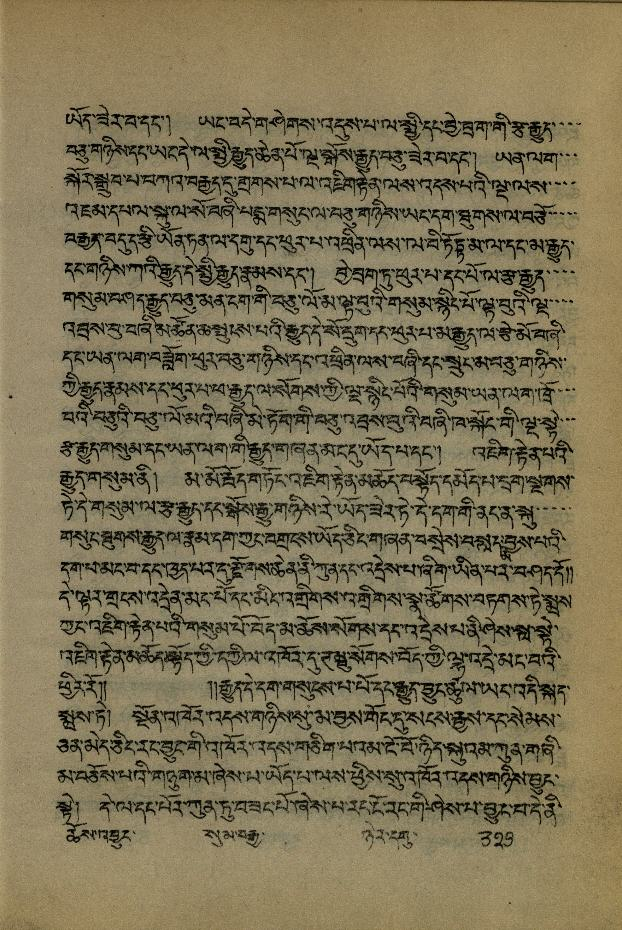ཡོད་ཟེར་བ་དང་། ཡང་བདེ་གཤེགས་འདུས་པ་ལ་སྤྱི་དང་བྱེ་བྲག་གི་རྩ་རྒྱུད་
བཅུ་གཉིས་དང་ཡང་དེ་ལ་སྤྱི་རྒྱུད་ཆེན་པོ་ལྔ་སྒོས་རྒྱུད་བཅུ་ཟེར་བ་དང་། ཡན་ལག་
སྐོར་སྒྲུབ་པ་བཀའ་བརྒྱུད་དུ་གྲགས་པ་ལ་འཇིག་རྟེན་ལས་འདས་པའི་ལྔ་ལས་
འཇམ་དཔལ་སྐུ་ལ་སོ་བཞི་པདམ་གསུང་ལ་བཅུ་གཉིས་ཡང་དག་ཐུགས་ལ་བཅོ་
བརྒྱད་བདུད་རྩི་ཡོན་ཏན་ལ་དགུ་དང་ཕུར་པ་འཕྲིན་ལས་ལ་བི་ཏོཏྟ་མ་ལ་དང་མ་རྒྱུད་
དང་གཉིས་ཀའི་རྒྱུད་དེ་སྤྱི་རྒྱུད་རྣམས་དང་། བྱེ་བྲག་ཏུ་ཕུར་པ་དང་པོ་ལ་རྩ་རྒྱུད་
གསུམ་བཤད་རྒྱུད་བཅུ་མན་ངག་གི་བཅུ་ལོ་མ་ལྟ་བུའི་གསུམ་སྙིང་པོ་ལྟ་བུའི་ལྔ་
འབྲས་བུ་བཞི་མཚོན་ཆ་སྤུངས་པའི་རྒྱུད་དེ་སོ་དྲུག་དང་ཕུར་པ་མ་རྒྱུད་ལ་རྩེ་མོ་བཞི་
དང་ཡན་ལག་བཟློག་ཕུར་བཅུ་གཉིས་དང་འཕྲིན་ལས་བཞི་དང་སྲུང་མ་བཅུ་གཉིས་
ཀྱི་རྒྱུད་རྣམས་དང་ཕུར་པ་ཕ་རྒྱུད་ལ་སོགས་ཀྱི་ལྔ་སྙིང་པོའི་གསུམ་ཡན་ལག་ཁྲོ་
བའི་བཅུའི་བཅུ་ལོ་མའི་བཞི་མེ་ཏོག་གི་བཅུ་འབྲས་བུའི་བཞི་ཁ་སྐོང་གི་ལྔ་སྟེ་
རྩ་རྒྱུད་གསུམ་དང་ཡན་ལག་གི་རྒྱུད་གཞན་མང་དུ་ཡོད་པ་དང་། འཇིག་རྟེན་པའི་
རྒྱུད་གསུམ་ནི། མ་མོ་རྦོད་གཏོང་འཇིག་རྟེན་མཆོད་བསྟོད་དམོད་པ་དྲག་སྔགས་
ཏེ་དེ་གསུམ་ལ་རྩ་རྒྱུད་དང་སྒོས་རྒྱུ་གཉིས་རེ་ཡོད་ཟེར་ཏེ་དེ་དག་གི་ནང་ན་སྐུ་
གསུང་ཐུགས་རྒྱུད་ལ་རྣམ་དག་ཀྱང་བགྲངས་ཡོད་ཅིང་གཞན་བསྲེས་བསླད་མ་བྱས་པའི་
དག་པ་མང་བ་དང་ཁྱད་པར་དུ་རྫོགས་ཆེན་ནི་ཀུན་དང་འདྲེས་པ་ཞིག་ཡིན་པར་བཤད་དོ།།
དེ་ལྟར་གྲངས་འདྲེན་མང་པོ་དང་མིང་འགྲིགས་འགྲིགས་སྣ་ཚོགས་བཏགས་ཏེ་སྨྲས་
ཀྱང་འཇིག་རྟེན་པའི་གསུམ་པོ་བོད་མ་ཆོས་སོགས་དང་འདྲེས་པ་ནི་ཤེས་སླ་སྟེ་
འཇིག་རྟེན་མཆོད་སྟོད་ཀྱི་དཀྱིལ་འཁོར་དུ་ཊམྦུ་སོགས་བོད་ཀྱི་ལྷ་འདྲེ་མང་བའི་
ཕྱིར་རོ།། །།རྒྱུད་དེ་དག་གསུངས་པ་པོ་དང་རྒྱུད་བྱུང་ཚུལ་ཡང་འདི་སྐད་
སྨྲས་ཏེ། སྔོན་འཁོར་འདས་གཉིས་སུ་མ་བྱས་གོང་དུ་སངས་རྒྱས་དང་སེམས་
ཅན་མེད་ཅིང་རང་བྱུང་གི་འཁོར་འདས་གཅིག་པའང་ངོ་བོ་ཉིད་སྐུའམ་ཀུན་གཞི་
མ་བཅོས་པའི་གཉུག་མ་ཞེས་པ་ཡོད་པ་ལས་ཕྱིས་སུ་འཁོར་འདས་གཉིས་བྱུང་
སྟེ། དེ་ལ་དང་པོར་ཀུན་ཏུ་བཟང་པོ་ཞེས་པ་རང་ངོ་རང་གི་ཤེས་པ་བྱུང་བ་དེ་ནི་